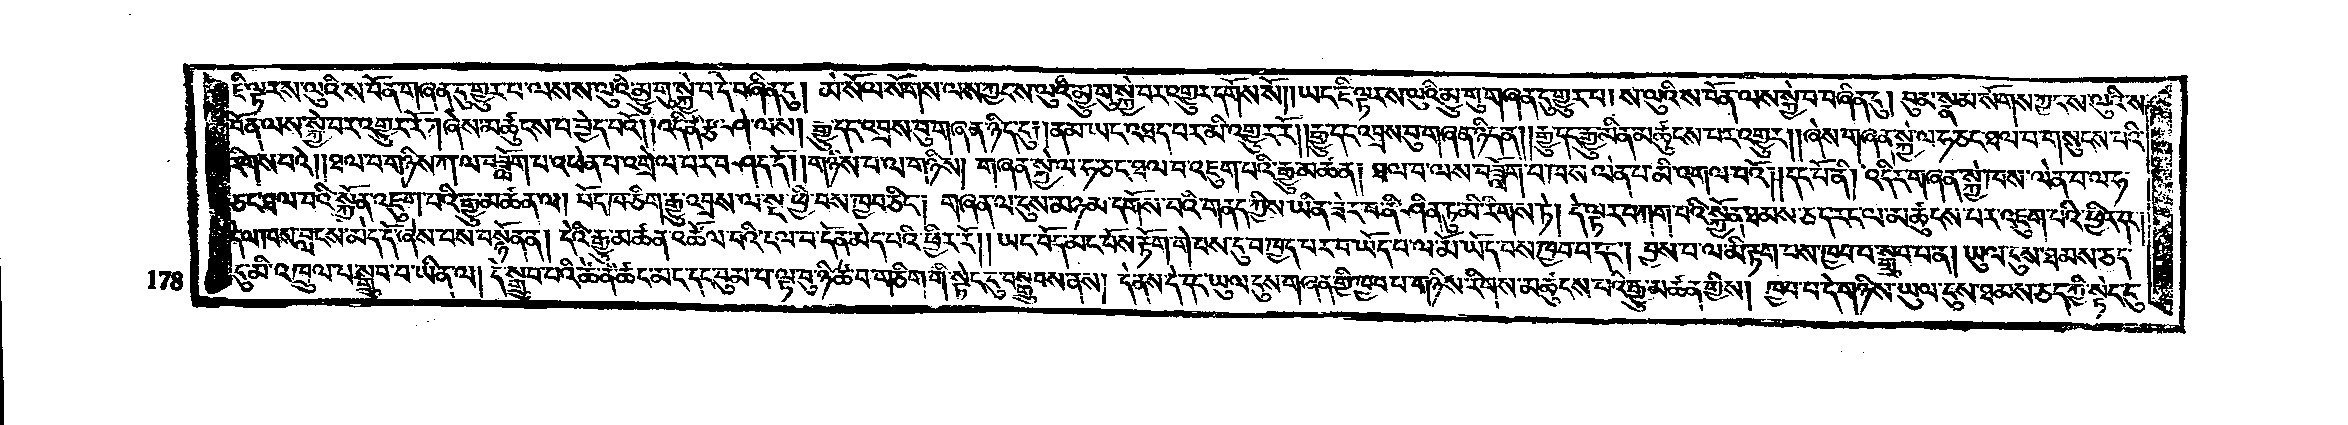ཇི་ལྟར་ས་ལུའི་ས་བོན་གཞན་དུ་གྱུར་པ་ལས་ས་ལུའི་མྱུ་གུ་སྐྱེ་བ་དེ་བཞིན་དུ། མེ་སོལ་སོགས་ལས་ཀྱང་ས་ལུའི་མྱུ་གུ་སྐྱེ་བར་འགྱུར་དགོས་སོ། །ཡང་ཇི་ལྟར་ས་ལུའི་མྱུ་གུ་གཞན་དུ་གྱུར་པ། ས་ལུའི་ས་བོན་ལས་སྐྱེ་བ་བཞིན་དུ། བུམ་སྣམ་སོགས་ཀྱང་ས་ལུའི་ས་
བོན་ལས་སྐྱེ་བར་འགྱུར་རོ། །ཞེས་མཚུངས་པ་བྱེད་པའོ། །འདི་ནི་རྩ་ཤེ་ལས། རྒྱུ་དང་འབྲས་བུ་གཞན་ཉིད་དུ། །ནམ་ཡང་འཐད་པར་མི་འགྱུར་རོ། །རྒྱུ་དང་འབྲས་བུ་གཞན་ཉིད་ན། །རྒྱུ་དང་རྒྱུ་མིན་མཚུངས་པར་འགྱུར། །ཞེས་གཞན་སྐྱེ་ལ་ཧ་ཅང་ཐལ་བ་གསུངས་པའི་
རིགས་པའོ། །ཐལ་བ་གཉིས་ཀ་ལ་བཟློག་པ་འཕེན་པ་འགྲེལ་པར་བཤད་དོ། །གཉིས་པ་ལ་གཉིས། གཞན་སྐྱེ་ལ་ཧ་ཅང་ཐལ་བ་འཇུག་པའི་རྒྱུ་མཚན། ཐལ་བ་ལས་བཟློག་པ་ཁས་ལེན་པ་མི་འགལ་བའོ། །དང་པོ་ནི། འདིར་གཞན་སྐྱེ་ཁས་ལེན་པ་ལ་ཧ་
ཅང་ཐལ་བའི་སྐྱོན་འཇུག་པའི་རྒྱུ་མཚན་ལ། བོད་ཁ་ཅིག་རྒྱུ་འབྲས་ལ་སྔ་ཕྱི་བས་ཁྱབ་ཅིང་། གཞན་ལ་དུས་མཉམ་དགོས་པའི་གནད་ཀྱིས་ཡིན་ཟེར་བ་ནི་ཤིན་ཏུ་མི་རིགས་ཏེ། དེ་ལྟར་བཀག་པའི་སྐྱོན་ཐམས་ཅད་རང་ལ་མཚུངས་པར་འཇུག་པའི་ཕྱིར་དང་།
དེ་ལ་ཁས་བླངས་མེད་དོ་ཞེས་པས་བསྙོན་ན། དེའི་རྒྱུ་མཚན་འཚལ་བའི་ངལ་བ་དོན་མེད་པའི་ཕྱིར་རོ། །ཡང་བོད་མང་པོས་རྟོག་གེ་བས་དུ་བ་ཁྱད་པར་བ་ཡོད་པ་ལ་མེ་ཡོད་པས་ཁྱབ་པ་དང་། བྱས་པ་ལ་མི་རྟག་པས་ཁྱབ་པ་སྒྲུབ་པ་ན། ཡུལ་དུས་ཐམས་ཅད་
དུ་མི་འཁྲུལ་པ་སྒྲུབ་པ་ཡིན་ལ། དེ་སྒྲུབ་པའི་ཚེ་ནི་ཚང་མང་དང་བུམ་པ་ལྟ་བུ་ཉི་ཚེ་བ་གཅིག་གི་སྟེང་དུ་བསྒྲུབས་ནས། དེ་ནས་དེ་དང་ཡུལ་དུས་གཞན་གྱི་ཁྱབ་པ་གཉིས་རིགས་མཚུངས་པའི་རྒྱུ་མཚན་གྱིས། ཁྱབ་པ་དེ་གཉིས་ཡུལ་དུས་ཐམས་ཅད་ཀྱི་སྟེང་དུ་